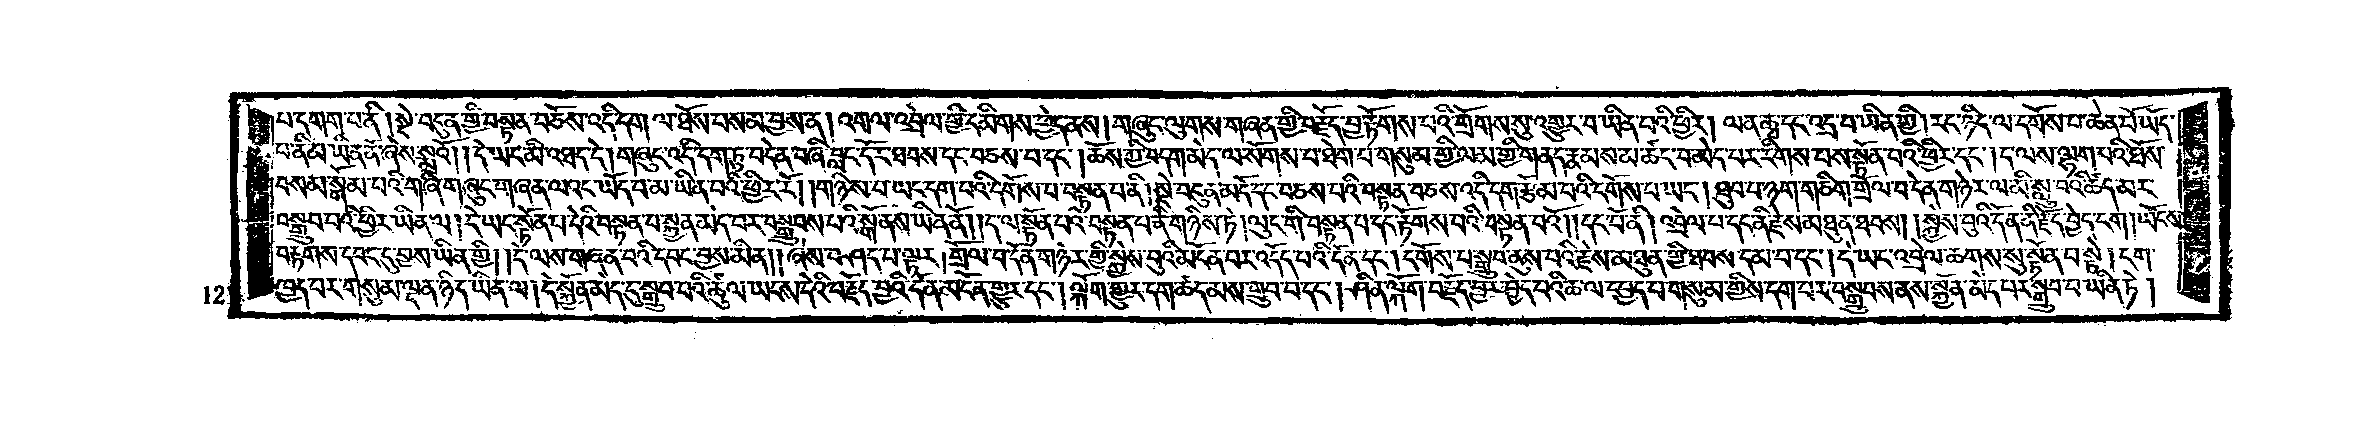པ་དགག་པ་ནི། སྡེ་བདུན་གྱི་བསྟན་བཅོས་འདི་དག་ལ་ཐོས་བསམ་བྱས་ན། འགལ་འབྲེལ་གྱི་དམིགས་ཕྱེད་ནས། གཞུང་ལུགས་གཞན་གྱི་བརྗོད་བྱ་རྟོགས་པའི་གྲོགས་སུ་འགྱུར་བ་ཡིན་པའི་ཕྱིར། ལན་ཚྭ་?་དང་འདྲ་བ་ཡིན་གྱི། རང་ཉིད་ལ་དགོས་པ་ཆེན་པོ་ཡོད་
པ་ནི་མ་ཡིན་ནོ་ཞེས་སྨྲའོ། །དེ་ཡང་མི་འཐད་དེ། གཞུང་འདི་དག་ཏུ་བདེན་བཞི་བླང་དོར་ཐབས་དང་བཅས་པ་དང་། ཆོས་ཀྱི་བདག་མེད་ལ་སོགས་པ་ཐེག་པ་གསུམ་གྱི་ལམ་གྱི་གནད་རྣམས་མ་ཚང་བ་མེད་པར་རིགས་པས་སྟོན་པའི་ཕྱིར་དང་། དེ་ལས་ལྷག་པའི་ཐོས་
བསམ་སྒོམ་པའི་གཞི་གཞུང་གཞན་ལའང་ཡོད་པ་མ་ཡིན་པའི་ཕྱིར་རོ། །གཉིས་པ་ཡང་དག་པའི་དགོས་པ་བསྟན་པ་ནི། སྡེ་བདུན་མདོ་དང་བཅས་པའི་བསྟན་བཅོས་འདི་དག་རྩོམ་པའི་དགོས་པ་ཡང་། ཐུབ་པ་ཉག་གཅིག་གྲོལ་བ་དོན་གཉེར་ལ་མི་སླུ་བའི་ཚད་མར་
བསྒྲུབ་པའི་ཕྱིར་ཡིན་ལ། དེ་ཡང་སྟོན་པ་དེའི་བསྟན་པ་སྐྱོན་མེད་པར་བསྒྲུབས་པའི་སྒོ་ནས་ཡིན་ནོ། །དེ་ལ་སྟོན་པའི་བསྟན་པ་ནི་གཉིས་ཏེ། ལུང་གི་བསྟན་པ་དང་རྟོགས་པའི་བསྟན་པའོ། །དང་པོ་ནི། འབྲེལ་པ་དང་ནི་རྗེས་མཐུན་ཐབས། །སྐྱེས་བུའི་དོན་ནི་རྗོད་བྱེད་ངག །ཡོངས་
བརྟགས་དབང་དུ་བྱས་ཡིན་གྱི། །དེ་ལས་གཞན་པའི་དབང་བྱས་མིན། །ཞེས་བཤད་པ་ལྟར། གྲོལ་བ་དོན་གཉེར་གྱི་སྐྱེས་བུའི་མངོན་པར་འདོད་པའི་དོན་དང་། དགོས་པ་སྒྲུབ་ནུས་པའི་རྗེས་མཐུན་གྱི་ཐབས་དམ་པ་དང་། དེ་ཡང་འབྲེལ་ཆགས་སུ་སྟོན་པ་སྟེ། ངག་
ཁྱད་པར་གསུམ་ལྡན་ཉིད་ཡིན་ལ། དེ་སྐྱོན་མེད་དུ་སྒྲུབ་པའི་ཚུལ་ཡངས་དེའི་བརྗོད་བྱའི་དོན་མངོན་གྱུར་དང་། ལྐོག་གྱུར་དག་ཚད་མས་གྲུབ་པ་དང་། ཤིན་ལྐོག་བརྗོད་བྱར་བྱེད་པའི་ཆ་ལ་དཔྱད་པ་གསུམ་གྱིས་དག་པར་བསྒྲུབས་ནས་སྐྱོན་མེད་པར་སྒྲུབ་པ་ཡིན་ཏེ།